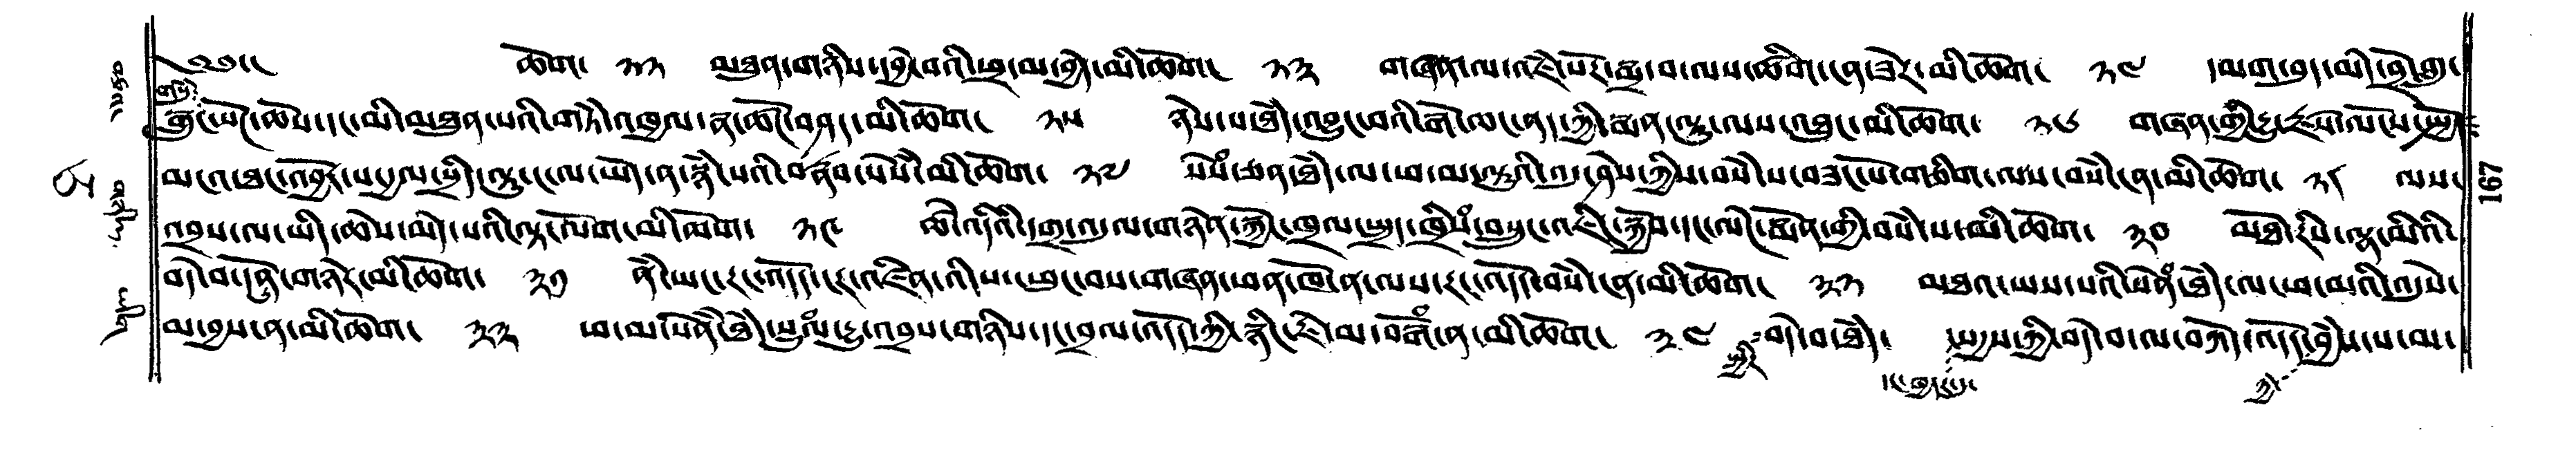ཆོག ༢༢ མཐུན་གཉིས་དབྱེ་བའི་ཕྲ་མ་བྱེད་མི་ཆོག ༢༣ གཞན་ལ་འཇམ་པོར་སྨྲ་བ་ལས་ཚིག་ངན་ཟེར་མི་ཆོག ༢༤ དམག་བུད་མེད་བྲོ་གླུ་
གསུམ་སྒྲུང་སོགས་ཆོས་དང་མི་མཐུན་པའི་གཏམ་འཁྱལ་སྣ་ཚོགས་བཤད་མི་ཆོག ༢༥ ཉེས་པ་ཐམས་ཅད་འབྱུང་བའི་སྒོ་ཆང་ནད་ཀྱི་སྨན་ལྟ་བུ་ལས་འཐུང་མི་ཆོག ༢༦ གཞན་གྱི་རྒྱུ་རྫས་ལོངས་སྤྱོད་
མངའ་ཐང་འབྱོར་པ་རྒྱལ་སྲིད་ལྟ་བུ་ང་ལ་ཡོད་ན་སྙམ་པའི་བརྣབ་སེམས་མི་ཆོག ༢༧ སེམས་ཅན་ཐམས་ཅད་ལ་ཕ་མ་ལྟ་བུའི་འདུ་ཤེས་ཀྱིས་བསམ་པ་བཟང་པོ་ལས་བསམ་ངན་མི་ཆོག ༢༨ ལས་
འབྲས་ལ་ཡིད་ཆེས་མེད་པའི་ལྟ་ལོག་མི་ཆོག ༢༩ ཚེ་འདིའི་དགྲ་འདུལ་གཉེན་སྐྱོང་ཁྲལ་སྤྲོད་ཁྲིམས་སྲུང་འཇིགས་སྐྱོབ་དང་ལེགས་སྨོན་གྱི་བསམ་པ་མི་ཆོག ༣༠ མཐོ་རིས་ལྷ་མིའི་
བདེ་བ་དོན་གཉེར་མི་ཆོག ༣༡ ནམ་ཡང་རང་འདོད་ངར་འཛིན་འདིས་ཕུང་བས་གཞན་ཕན་ཁོ་ན་ལས་རང་འདོད་བསམ་མི་ཆོག ༣༢ མཐའ་ཡས་པའི་སེམས་ཅན་ཐམས་ཅད་ལ་ཕ་མའི་འདུ་ཤེས་
མ་བྱས་ན་ངན་མི་ཆོག ༣༣ ཕ་མ་སེམས་ཅན་ཐམས་ཅད་སྡུག་བསྔལ་རྒྱུ་འབྲས་གཉིས་དང་བྲལ་འདོད་ཀྱི་སྙིང་རྗེ་མ་སྒོམ་ན་མི་ཆོག ༣༤ སྤྱིར་བདེ་བ་ཐམས་ཅད་དང་ཁྱད་པར་དུ་སངས་རྒྱས་ཀྱི་བདེ་བ་ལ་འགཽད་འདོད་ཀྱི་བྱམས་པ་མ་